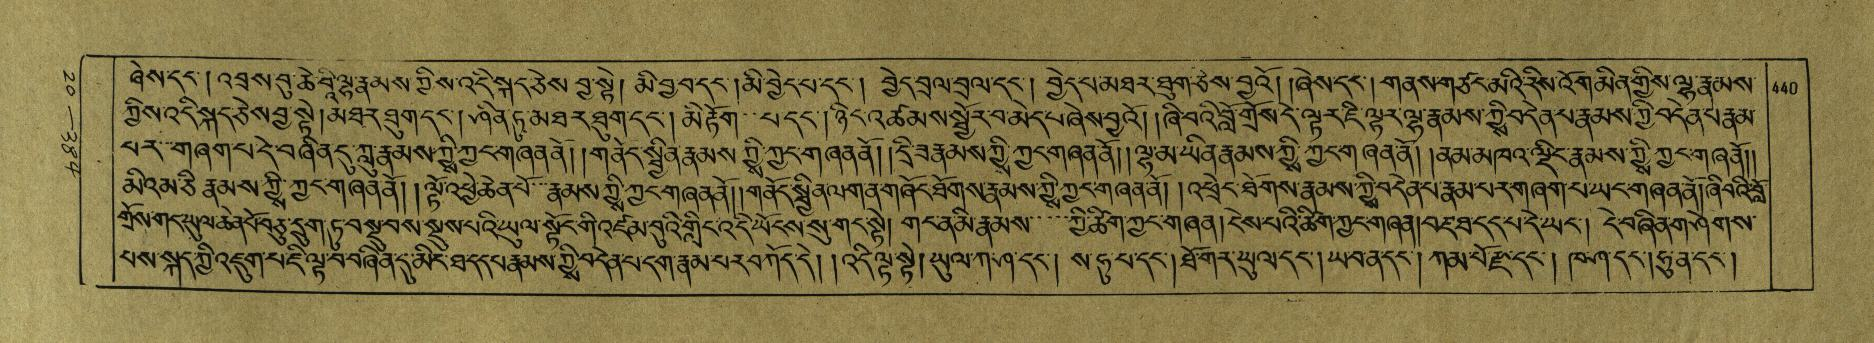ཞེས་དང་། འབྲས་བུ་ཆེ་བཱི་ལྷ་རྣམས་ཀྱིས་འདི་སྐད་ཅེས་བྱ་སྟེ། མི་བྱ་བ་དང་། མི་བྱེད་པ་དང་། བྱེད་བྲལ་བྲལ་དང་། བྱེད་པ་མཐར་ཐུག་ཅེས་བྱའོ། །ཞེས་དང་། གནས་གཙང་མའི་རིས་འོག་མིན་གྱིས་ལྷ་རྣམས་
ཀྱིས་འདི་སྐད་ཅེས་བྱ་སྟེ། མཐར་ཐུག་དང་། ཤིན་ཏུ་མཐར་ཐུག་དང་། མི་རྟོག་པ་དང་། ཉིང་འཚམས་སྦྱོར་བ་མེད་པ་ཞེས་བྱའོ། །ཞི་བའི་བློ་གྲོས་དེ་ལྟར་ཇི་ལྟར་ལྷ་རྣམས་ཀྱིས་བདེན་པ་རྣམས་ཀྱི་བདེན་པ་རྣམ་
པར་གཞག་པ་དེ་བཞིན་དུ་ཀླུ་རྣམས་ཀྱིས་ཀྱང་གཞན་ནོ། །གནོད་སྦྱིན་རྣམས་ཀྱིས་ཀྱང་གཞན་ནོ། །དྲི་ཟ་རྣམས་ཀྱིས་ཀྱང་གཞན་ནོ། །ལྷ་མ་ཡིན་རྣམས་ཀྱིས་ཀྱང་གཞན་ནོ། །ནམ་མཁའ་ལྡིང་རྣམས་ཀྱིས་ཀྱང་གཞནོ།།
མིའམ་ཅི་རྣམས་ཀྱིས་ཀྱང་གཞན་ནོ། །ལྟོ་འཕྱེ་ཆེན་པོ་རྣམས་ཀྱིས་ཀྱང་གཞན་ནོ། །གནོད་སྦྱིན་ལག་ན་གཞོང་ཐོགས་རྣམས་ཀྱིས་ཀྱང་གཞན་ནོ། །འཕྲེང་ཐོགས་རྣམས་ཀྱིས་བདེན་པ་རྣམ་པར་གཞག་པ་ཡང་གཞན་ནོ། ཞི་བའི་བློ་
གྲོས་གང་ཡུལ་ཆེན་པོ་བཅུ་དྲུག་ཏུ་བསྡུ་བས་སྡུས་པའི་ཡུལ་སྟོང་གི་འཛམ་བུའི་གླིང་འདི་ཡོངས་སུ་གང་སྟེ། གང་ན་མི་རྣམས་ཀྱི་ཚིག་ཀྱང་གཞན། ངེས་པའི་ཚིག་ཀྱང་གཞན། བརྡ་ཐ་དད་པ་དེ་ཡང་། དེ་བཞིན་གཤེགས་
པས་སྐད་ཀྱི་འཇུག་པ་ཇི་ལྟ་བ་བཞིན་དུ་མིང་ཐ་དད་པ་རྣམས་ཀྱིས་བདེན་པ་དག་རྣམ་པར་བཀོད་དེ། །འདི་ལྟ་སྟེ། ཡུལ་ཀ་ཤ་དང་། ས་ཧུ་པ་དང་། ཐོ་གར་ཡུལ་དང་། ཡ་བ་ན་དང་། ཀམ་པོ་རྫ་དང་། ཁ་ཤ་དང་། ཧུ་ན་དང་།